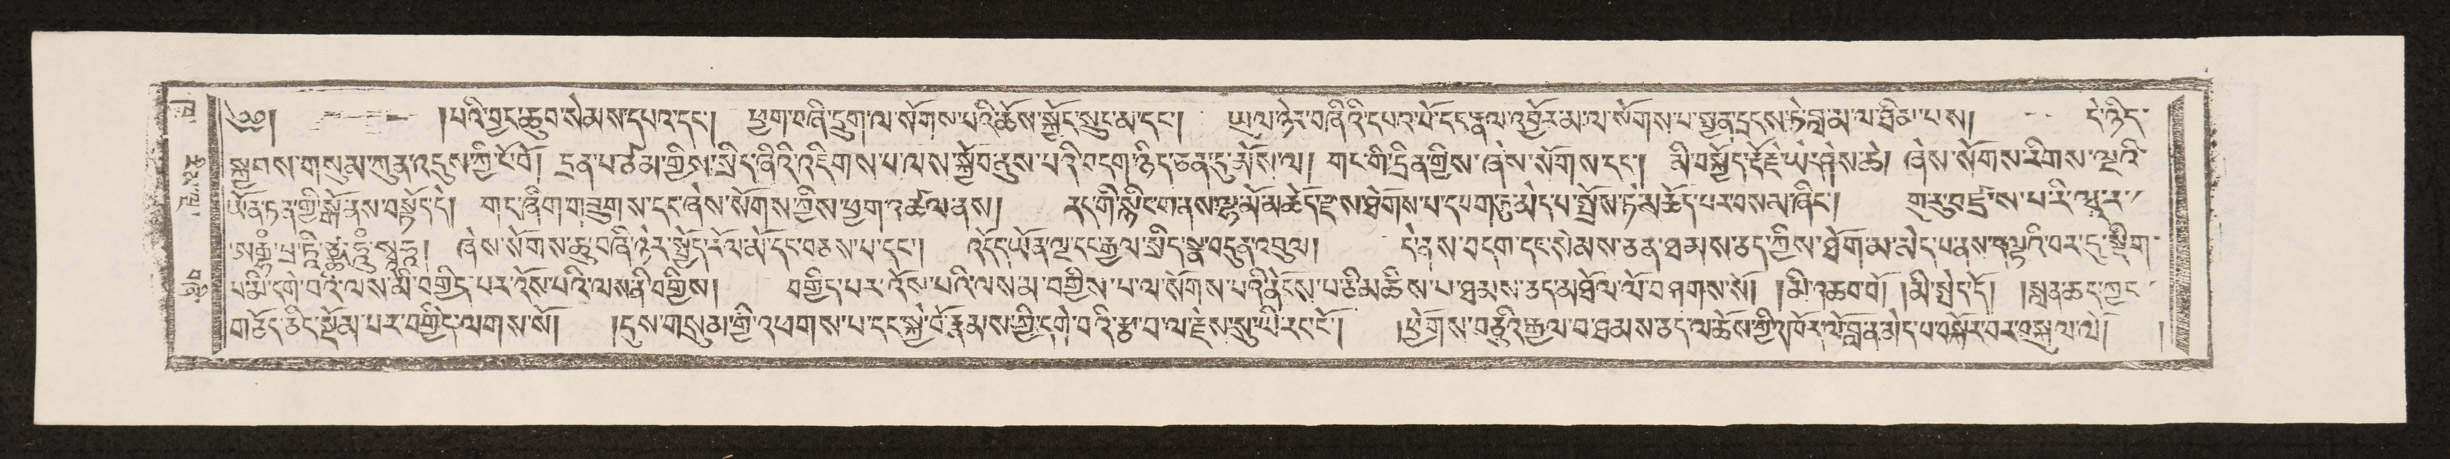༄༅། །པའི་བྱང་ཆུབ་སེམས་དཔའ་དང་། ཕྱག་བཞི་དྲུག་ལ་སོགས་པའི་ཆོས་སྐྱོང་སྲུང་མ་དང་། ཡུལ་ཉེར་བཞིའི་དཔའ་བོ་དང་རྣལ་འབྱོར་མ་ལ་སོགས་པ་སྤྱན་དྲངས་ཏེ་བླ་མ་ལ་ཐིམ་པས། དེ་ཉིད་
སྐྱབས་གསུམ་ཀུན་འདུས་ཀྱི་ངོ་བོ། དྲན་པ་ཙམ་གྱིས་སྲིད་ཞིའི་འཇིགས་པ་ལས་སྐྱོབ་ནུས་པའི་བདག་ཉིད་ཅན་དུ་མོས་ལ། གང་གི་དྲིན་གྱིས་ཞེས་སོགས་དང་། མི་བསྐྱོད་རྡོ་རྗེ་ཡེ་ཤེས་ཆེ། ཞེས་སོགས་རིགས་ལྔའི་
ཡོན་ཏན་གྱི་སྒོ་ནས་བསྟོད་དེ། གང་ཞིག་གཟུགས་དང་ཞེས་སོགས་ཀྱིས་ཕྱག་འཚལ་ནས། རང་གི་སྙིང་གནས་ལྷ་མོ་མཆོད་རྫས་ཐོགས་པ་དཔག་ཏུ་མེད་པ་སྤྲོས་ཏེ་མཆོད་པར་བསམ་ཞིང་། གུ་རུ་བཛྲས་པ་རི་ཝཱ་ར་
ཨརྒྷཾ་པྲ་ཏཱིཙྪ་ཧཱུཾ་སྭཱཧཱ། ཞེས་སོགས་ཆུ་བཞི་ཉེར་སྤྱོད་རོལ་མོ་དང་བཅས་པ་དང་། འདོད་ཡོན་ལྔ་དང་རྒྱལ་སྲིད་སྣ་བདུན་འབུལ། དེ་ནས་བདག་དང་སེམས་ཅན་ཐམས་ཅད་ཀྱིས་ཐོག་མ་མེད་པ་ནས་ད་ལྟའི་བར་དུ་སྡིག་
པ་མི་དགེ་པའི་ལས་མི་བགྱིད་པར་འོས་པའི་ལས་ནི་བགྱིས། བགྱིད་པར་འོས་པའི་ལས་མ་བགྱིས་པ་ལ་སོགས་པའི་ནོངས་པ་ཅི་མཆིས་པ་ཐམས་ཅད་མཐོལ་ལོ་བཤགས་སོ། །མི་འཆབ་བོ། །མི་སྦེད་དོ། །སླན་ཆད་ཀྱང་
གཅོད་ཅིང་སྡོམ་པར་བགྱིད་ལགས་སོ། །དུས་གསུམ་གྱི་འཕགས་པ་དང་སྐྱེ་བོ་རྣམས་ཀྱི་དགེ་བའི་རྩ་བ་ལ་རྗེས་སུ་ཡི་རང་ངོ། །ཕྱོགས་བཅུའི་རྒྱལ་བ་ཐམས་ཅད་ལ་ཆོས་ཀྱི་འཁོར་ལོ་བླ་ན་མེད་པ་བསྐོར་བར་བསྐུལ་ལོ། །